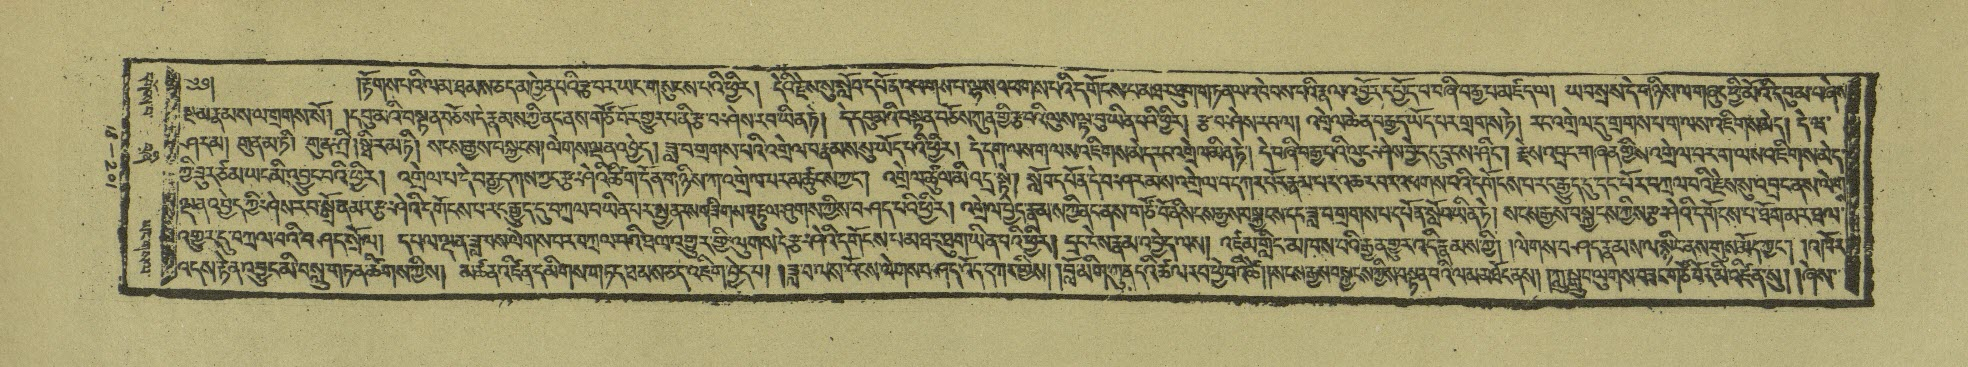༄༅། །རྟོགས་པའི་ལམ་ཐམས་ཅད་མཁྱེན་པའི་རྩ་བར་ཡང་གསུངས་པའི་ཕྱིར། དེའི་རྗེས་སུ་སློབ་དཔོན་འཕགས་པ་ལྷས་འཕགས་པའི་དགོངས་པ་མཐར་ཐུག་གཏན་ལ་འབེབས་པའི་རྣལ་འབྱོར་དཔྱོད་པ་བཞི་བརྒྱ་བ་མཛད་ལ། ཡབ་སྲས་དེ་གཉིས་ལ་གཞུང་ཕྱི་མོའི་དབུ་མ་པ་ཞེས་
སྔ་མ་རྣམས་ལ་གྲགས་སོ། །དབུ་མའི་བསྟན་བཅོས་དེ་རྣམས་ཀྱི་ནང་ནས་གཙོ་བོར་གྱུར་པ་ནི་རྩ་བ་ཤེས་རབ་ཡིན་ཏེ། དེ་དབུ་མའི་བསྟན་བཅོས་ཀུན་གྱི་རྩ་བའི་ལུས་ལྟ་བུ་ཡིན་པའི་ཕྱིར། རྩ་བ་ཤེས་རབ་ལ། འགྲེལ་ཆེན་བརྒྱད་ཡོད་པར་གྲགས་ཏེ། རང་འགྲེལ་དུ་གྲགས་པ་ག་ལས་འཇིགས་མེད། དེ་ཝ་
ཤར་མ། གུན་མ་ཏི། གུན་ཤྲི། སྠི་རམ་ཏི། སངས་རྒྱས་བསྐྱངས། ལེགས་ལྡན་འབྱེད། ཟླ་བ་གྲགས་པའི་འགྲེལ་པ་རྣམས་སུ་ཡོད་པའི་ཕྱིར། དེ་དག་ལས་གཡས་འཇིགས་མེད་རང་འགྲེལ་མིན་ཏེ། དེ་བཞི་བརྒྱ་བའི་ལུང་ཤེས་བྱེད་དུ་དྲང་ཤིང་། རྗེས་འབྲང་གཞན་གྱིས་འགྲེལ་པར་ག་ལ་འཇིགས་མེད་
ཀྱི་ཟུར་ཙམ་ཡང་མི་འབྱུང་བའི་ཕྱིར། འགྲལ་བ་དེ་བརྒྱ་ཀས་ཀྱང་རྩ་ཤེའི་ཚིག་དོན་གཉིས་ཀ་འགྲེལ་པར་མཚུངས་ཀྱང་། འགྲེལ་ཚུལ་མི་འདྲ་སྟེ། སློབ་དཔོན་དེ་བ་ཤར་མས་འགྲེལ་བ་དཀར་པོར་རྣམ་པར་འཆར་བར་འཕགས་པའི་དགོངས་པ་རང་རྒྱུད་དུ་དང་པོར་བཀྲལ་བའི་རྗེས་སུ་འབྲང་ནས་ལེག་
ལྡན་འབྱེད་ཀྱི་ཤེས་རབ་སྒྲོན་མར་རྩ་ཤེའི་དགོངས་པ་རང་རྒྱུད་དུ་བཀྲལ་བ་ཡིན་པར་སྤྱན་རས་གཟིགས་བརྟུལ་ཤུགས་ཀྱིས་བཤད་པའི་ཕྱིར། འགྲེལ་བྱེད་རྣམས་ཀྱི་ནང་ནས་གཙོ་བོ་ནི་སངས་རྒྱས་བསྐྱངས་དང་ཟླ་བ་གྲགས་པ་དཔོན་སློབ་ཡིན་ཏེ། སངས་རྒྱས་བསྐྱངས་ཀྱིས་རྩ་ཤེའི་དགོངས་པ་ཐོག་མར་ཐལ་
འགྱུར་དུ་བཀྲལ་བའི་བཤད་སྲོལ། དཔལ་ལྡན་ཟླ་བས་ལེགས་བར་བཀྲལ་བའི་ཐལ་འགྱུར་གྱི་ལུགས་དེ་རྩ་ཤེའི་དགོངས་པ་མཐར་ཐུག་ཡིན་པའི་ཕྱིར། དྲང་ངེས་རྣམ་འབྱེད་ལས། འཛམ་གླིང་མཁས་པའི་རྒྱན་གྱུར་འདི་རྣམས་ཀྱི། །ལེགས་བཤད་རྣམས་ལ་སྙིང་ནས་གུས་མོད་ཀྱང་། །འཁོར་
འདས་རྟེན་འབྱུང་མི་བསླུ་གཏན་ཚིགས་ཀྱིས། མཚན་འཛིན་དམིགས་གཏད་ཐམས་ཅད་འཇིག་བྱེད་པ། །ཟླ་བ་ལས་འོངས་ལེགས་བཤད་འོད་དཀར་གྱིས། །བློ་མིག་ཀུན་དའི་ཚལ་རབ་ཕྱེ་བའི་ཚེ། །སངས་རྒྱས་བསྐྱངས་ཀྱིས་བསྟན་པའི་ལམ་མཐོང་ནས། །ཀླུ་སྒྲུབ་ལུགས་བཟང་གཙོ་བོར་མི་འཛིན་སུ། །ཞེས་